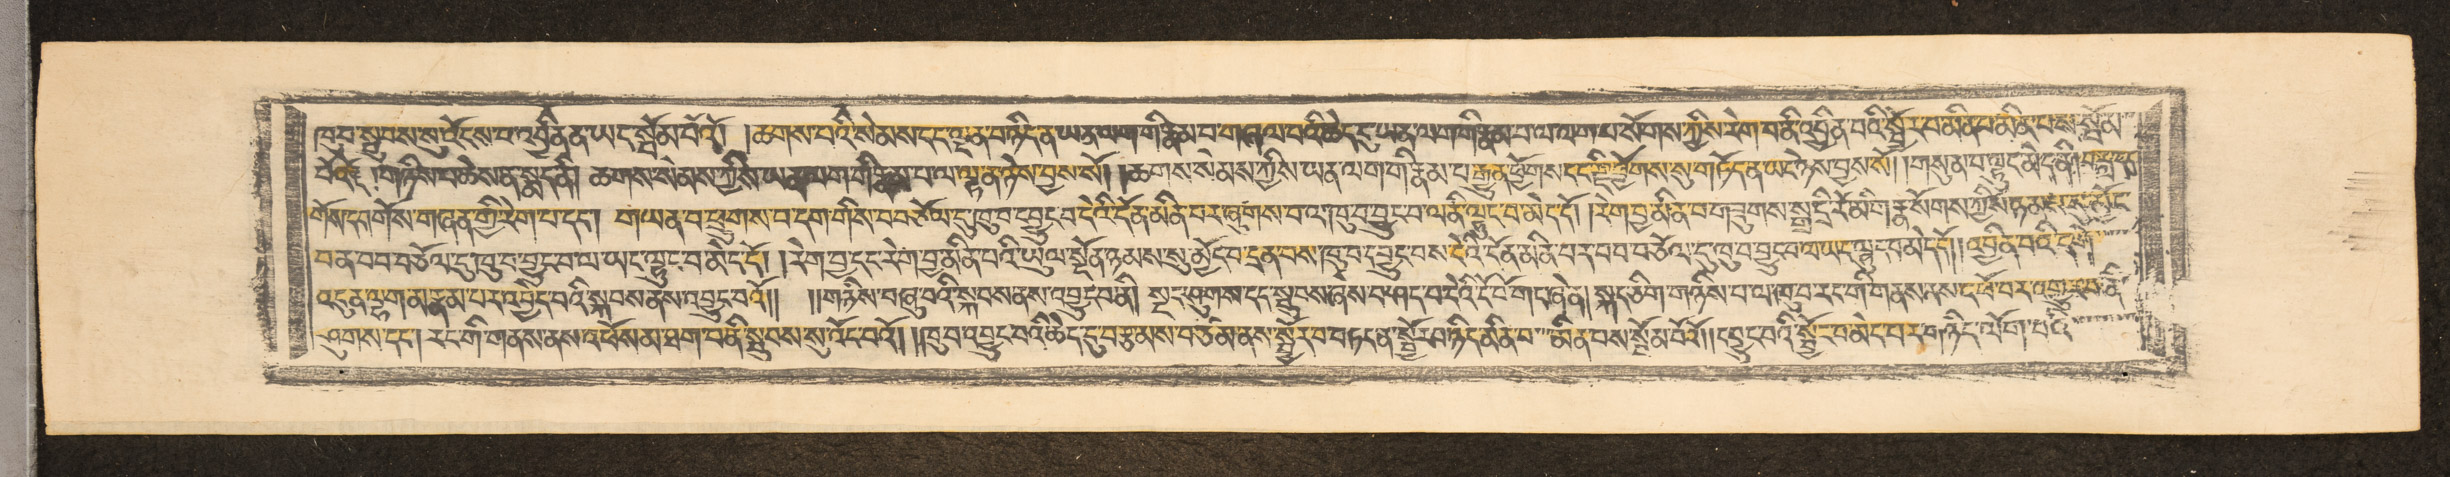ཁུ་བ་སྦུབས་སུ་འོངས་བ་འབྱིན་ན་ཡང་སྦོམ་པོའོ། །ཆགས་པའི་སེམས་དང་ལྡན་པ་ཉིད་ན་ཡན་ལག་གི་རྣམ་པ་གཞལ་བའི་ཆེད་དུ་ཡན་ལག་གི་རྣམ་པ་ལ་ལག་པ་སོགས་ཀྱིས་རེག་པ་ནི་འབྱིན་པའི་སྦྱོར་བ་མིན་པ་མིན་པས་སྦོམ་
པོའོ༑ །གཉིས་པ་ཆེས་ན་སྨད་ནི། ཆགས་སེམས་ཀྱིས་ཡན་ལག་གི་རྣམ་པ་ལ་ལྟ་ན་ཉེས་བྱས་སོ། །ཆགས་སེམས་ཀྱིས་ཡན་ལག་གི་རྣམ་པ་རྒྱུན་ཕྱོགས་དང་རྫི་ཕྱོགས་སུ་གཏོད་ན་ཡང་ཉེས་བྱས་སོ། །གསུམ་པ་ལྟུང་མེད་ནི། བརླ་དང་
གོས་དང་། གོས་གཞན་གྱི་རེག་པ་དང་། གཡན་པ་ཕྲུགས་པ་དག་གིས་བབ་ཅོལ་དུ་ཁུ་བ་དབྱུང་བ་དེའི་དོན་མིན་པར་ཞུགས་པ་ལ་ཁུ་བ་བྱུང་བ་ལ་ནི་ལྟུང་བ་མེད་དོ། །རེག་བྱ་མིན་པ་གཟུགས་སྒྲ་དྲི་རོ་མིག་རྣ་སོགས་ཀྱིས་ཉམས་སུ་མྱོང་
བ་ན་བབ་བཅོལ་དུ་ཁུ་བ་བྱུང་བ་ལ་ཡང་ལྟུང་བ་མེད་དོ། །རེག་བྱ་དང་རེག་བྱ་མིན་པའི་ཡུལ་སྔོན་ཉམས་སུ་མྱོང་བ་དྲན་པས་ཁུ་བ་དབྱུང་བས་དེའི་དོན་མིན་པར་བབ་བཅོལ་དུ་ཁུ་བ་བྱུང་བ་ལ་ཡང་ལྟུང་བ་མེད་དོ། །འབྱིན་པའི་དགེ་
འདུན་ལྷག་མ་རྣམ་པར་འབྱེད་པའི་སྐབས་ནས་འབྱུང་བའོ།། །།གཉིས་པ་ཞུ་བའི་སྐབས་ནས་འབྱུང་བ་ནི། སྔར་ཤུགས་དང་སྦུབས་ཞེས་བཤད་པ་དེའི་ངོ་བོ་གང་ཞེ་ན། སྐད་ཅིག་གཉིས་པ་ལ་ཁུ་བ་རང་གི་གནས་ནས་འཕོ་བར་འགྱུར་བ་ནི་
ཤུགས་དང་། རང་གི་གནས་ནས་འཕོས་མ་ཐག་པ་ནི་སྦུབས་སུ་འོང་པའོ། །ཁུ་བ་འབྱུང་བའི་ཆེད་དུ་བརྩམས་པ་ཙམ་ནས་སྦྱོར་བ་བཏང་ན་སྦྱོར་བ་ཉིད་མིན་པ་མིན་པས་སྦོམ་པོའོ། །དབྱུང་བའི་སྦྱོར་བ་མེད་པར་གཉིད་ལོག་པའི་